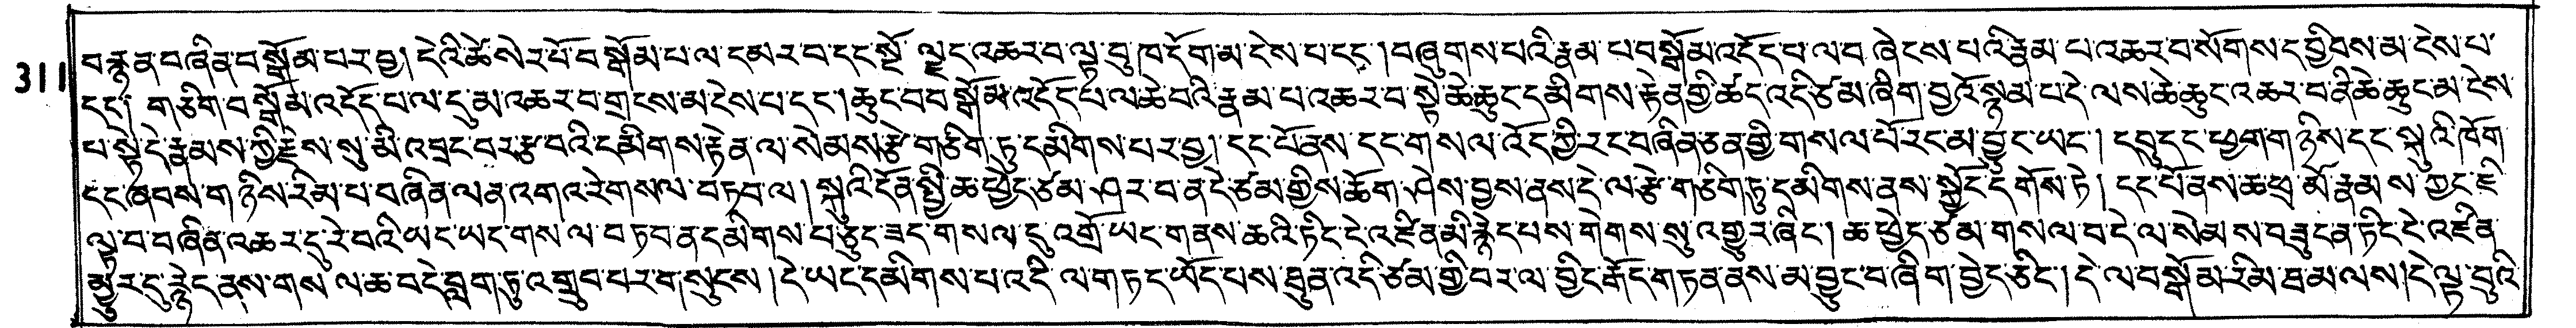བརྙན་བཞིན་བསྒོམ་པར་བྱ། དེའི་ཚེ་སེར་པོ་བསྒོམ་པ་ལ་དམར་བ་དང་སྔོ་ལྗད་འཆར་བ་ལྟ་བུ་ཁ་དོག་མ་ངེས་པ་དང་། བཞུགས་པའི་རྣམ་པ་བསྒོམ་འདོད་པ་ལ་བཞེངས་པའི་རྣམ་པ་འཆར་བ་སོགས་དབྱིབས་མ་ངེས་པ་
དང༑ གཅིག་བསྒོམ་འདོད་པ་ལ་དུ་མ་འཆར་བ་གྲངས་མ་ངེས་པ་དང་། ཆུང་བ་བསྒོམ་འདོད་པ་ལ་ཆེ་བའི་རྣམ་པ་འཆར་བ་སྟེ་ཆེ་ཆུང་དམིགས་རྟེན་གྱི་ཚད་འདི་ཙམ་ཞིག་བྱའོ་སྙམ་པ་དེ་ལས་ཆེ་ཆུང་འཆར་བ་ནི་ཆེ་ཆུང་མ་ངེས་
པ་སྟེ་དེ་རྣམས་ཀྱི་རྗེས་སུ་མི་འབྲང་བར་རྩ་བའི་དམིགས་རྟེན་ལ་སེམས་རྩེ་གཅིག་ཏུ་དམིགས་པར་བྱ། དང་པོ་ནས་དང་གསལ་འོད་ཀྱི་རང་བཞིན་ཅན་གྱི་གསལ་པོ་རང་མ་བྱུང་ཡང་། དབུ་དང་ཕྱག་གཉིས་དང་སྐུའི་ཁོག་
དང་ཞབས་གཉིས་རིམ་པ་བཞིན་ལན་འགའ་རེགས་ལ་བཏབ་ལ། སྐུའི་དོན་སྤྱི་ཆ་ཕྱེད་ཙམ་ཤར་བ་ན་དེ་ཙམ་གྱིས་ཆོག་ཤེས་བྱས་ནས་དེ་ལ་རྩེ་གཅིག་ཏུ་དམིགས་ནས་སྐྱོང་དགོས་ཏེ། དང་པོ་ནས་ཆ་ཕྲ་མོ་རྣམས་ཀྱང་ཇི་
ལྟ་བ་བཞིན་འཆར་དུ་རེ་བའི་ཡང་ཡང་གསལ་བཏབ་ན་དམིགས་པ་ཅུང་ཟད་གསལ་དུ་འགྲོ་ཡང་གནས་ཆའི་ཏིང་ངེ་འཛིན་མི་རྙེད་པས་གེགས་སུ་འགྱུར་ཞིང་། ཆ་ཕྱེད་ཙམ་གསལ་བ་དེ་ལ་སེམས་བཟུང་ན་ཏིང་ངེ་འཛིན་
མྱུར་དུ་རྙེད་ནས་གསལ་ཆ་བདེ་བླག་ཏུ་འགྲུབ་པར་གསུངས། དེ་ཡང་དམིགས་པ་འདི་ལ་གཏད་ཡོད་པས་ཐུན་འདི་ཙམ་གྱི་བར་ལ་བྱིང་རྒོད་གཏན་ནས་མ་བྱུང་བ་ཞིག་བྱེད་ཅིང་། དེ་ལ་བསྒོམ་རིམ་ཐ་མ་ལས། དེ་ལྟ་བུའི་